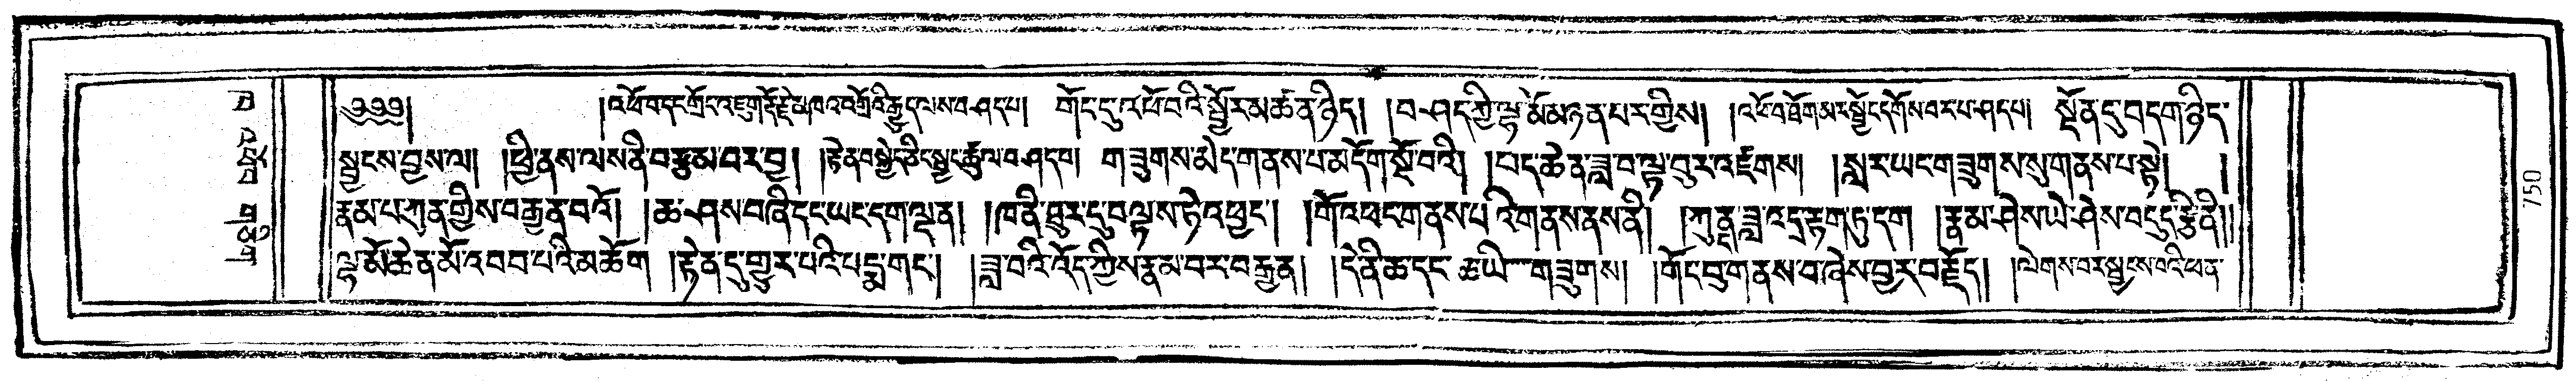༄༅༅། །འཕོ་བ་དང་གྲོང་འཇུག་རྡོ་རྗེ་མཁའ་འགྲོའི་རྒྱུད་ལས་བཤད་པ། གོང་དུ་འཕོ་བའི་སྦྱོར་མཚན་ཉིད། །བཤད་ཀྱི་ལྷ་མོ་མཉན་པར་གྱིས། །འཕོ་བ་ཐོག་མར་སྦྱོང་དགོས་པར་བཤད་པ། སྔོན་དུ་བདག་ཉིད་
སྦྱངས་བྱས་ལ། །ཕྱི་ནས་ལས་ནི་བརྩམ་པར་བྱ། །རྟེན་བསྐྱེད་ཅིང་སྦྱང་ཚུལ་བཤད་པ། གཟུགས་མེད་གནས་པ་མདོག་སྔོ་བའི། །པད་ཆེན་ཟླ་བ་ལྟ་བུར་འཛགས། །སླར་ཡང་གཟུགས་སུ་གནས་པ་སྟེ། །
རྣམ་པ་ཀུན་གྱིས་བརྒྱན་བའོ། །ཆ་ཤས་བཞི་དང་ཡང་དག་ལྡན། །ཁ་ནི་ཐུར་དུ་བལྟས་ཏེ་འཕྱང་། །གོ་འཕང་གནས་པའི་གནས་ནས་ནི། །ཀུནྡ་ཟླ་འདྲ་རྟག་ཏུ་དག །རྣམ་ཤེས་ཡེ་ཤེས་བདུད་རྩི་ནི།།
ལྷ་མོ་ཆེན་མོ་འབབ་པའི་མཆོག །རྟེན་དུ་གྱུར་པའི་པདམ་གང་། །ཟླ་བའི་འོད་ཀྱིས་རྣམ་པར་བརྒྱན། །དེ་ནི་ཆ་དང་ཆ་ཡི་གཟུགས། །གོང་བུ་གནས་པ་ཞེས་བྱར་བརྗོད། །ལེགས་པར་སྦྱངས་པའི་ཕན་